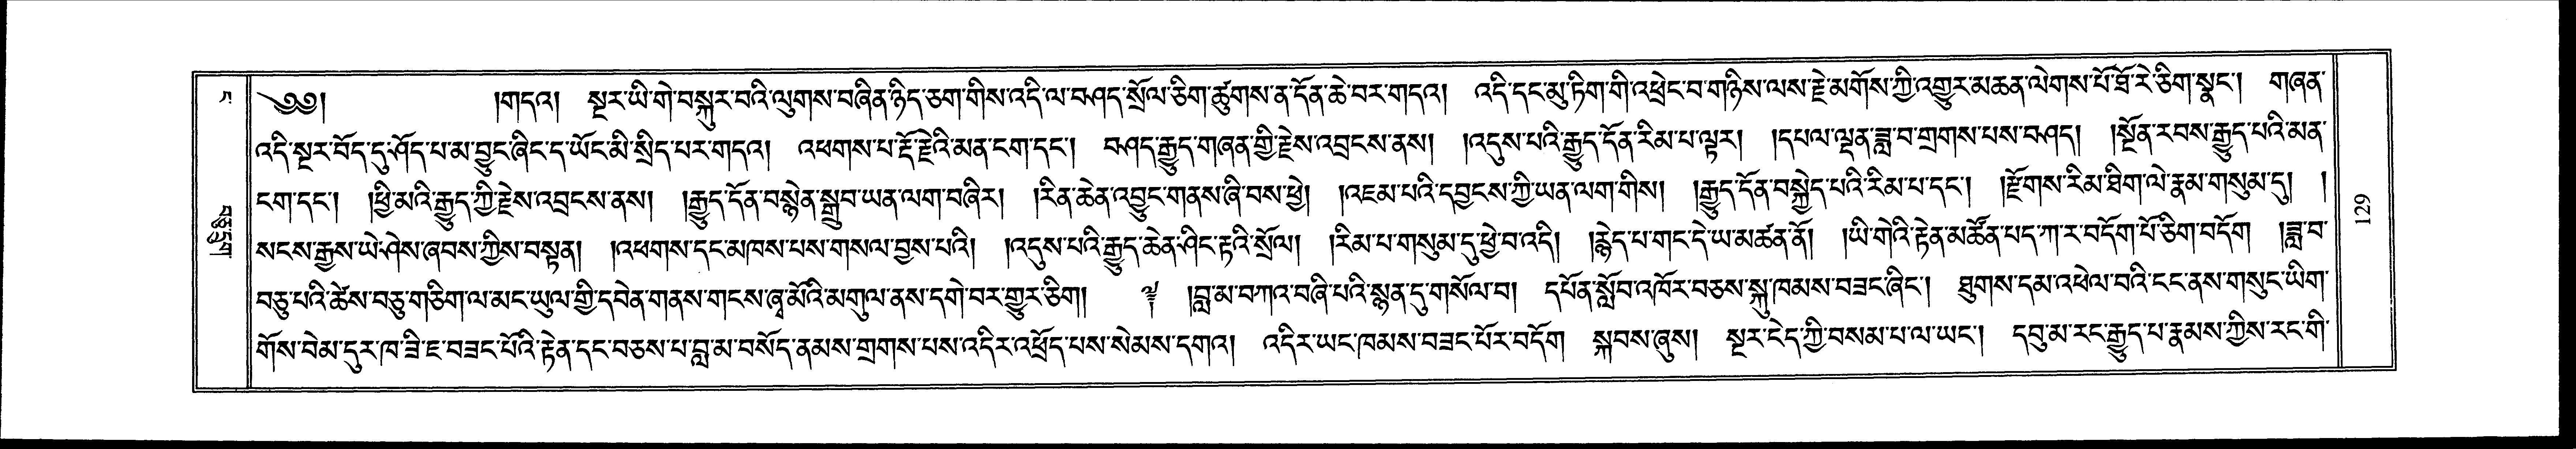༄༅། །གདའ། སྔར་ཡི་གེ་བསྐུར་བའི་ལུགས་བཞིན་ཉིད་ཅག་གིས་འདི་ལ་བཤད་སྲོལ་ཅིག་ཚུགས་ན་དོན་ཆེ་བར་གདའ། འདི་དང་མུ་ཏིག་གི་འཕྲེང་བ་གཉིས་ལས་རྗེ་མགོས་ཀྱི་འགྱུར་མཆན་ལེགས་པོ་ཐོ་རེ་ཅིག་སྣང་། གཞན་
འདི་སྔར་བོད་དུ་ཤོད་པ་མ་བྱུང་ཞིང་ད་ཡོང་མི་སྲིད་པར་གདའ། འཕགས་པ་རྡོ་རྗེའི་མན་ངག་དང་། བཤད་རྒྱུད་གཞན་གྱིས་རྗེས་འབྲངས་ནས། །འདུས་པའི་རྒྱུད་དོན་རིམ་པ་ལྟར། །དཔལ་ལྡན་ཟླ་བ་གྲགས་པས་བཤད། །སྔོན་རབས་རྒྱུད་པའི་མན་
ངག་དང་། །ཕྱི་མའི་རྒྱུད་ཀྱི་རྗེས་འབྲངས་ནས། །རྒྱུད་དོན་བསྙེན་སྒྲུབ་ཡན་ལག་བཞིར། །རིན་ཆེན་འབྱུང་གནས་ཞི་བས་ཕྱེ། །འཇམ་པའི་དབྱངས་ཀྱི་ཡན་ལག་གིས། །རྒྱུད་དོན་བསྐྱེད་པའི་རིམ་པ་དང་། །རྫོགས་རིམ་ཐིག་ལེ་རྣམ་གསུམ་དུ། །
སངས་རྒྱས་ཡེ་ཤེས་ཞབས་ཀྱིས་བསྟན། །འཕགས་དང་མཁས་པས་གསལ་བྱས་པའི། །འདུས་པའི་རྒྱུད་ཆེན་ཤིང་རྟའི་སྲོལ། །རིམ་པ་གསུམ་དུ་ཕྱེ་བ་འདི། །རྙེད་པ་གང་དེ་ཡ་མཚན་ནོ། །ཡི་གེའི་རྟེན་མཚོན་པད་ཀ་ར་འདོག་པོ་ཅིག་བདོག །ཟླ་བ་
བཅུ་པའི་ཚེས་བཅུ་གཅིག་ལ་མང་ཡུལ་གྱི་དབེན་གནས་གངས་ཞྭ་མོའི་མགུལ་ནས་དགེ་བར་གྱུར་ཅིག། ༈ །བླ་མ་བཀའ་བཞི་པའི་སྙན་དུ་གསོལ་བ། དཔོན་སློབ་འཁོར་བཅས་སྐུ་ཁམས་བཟང་ཞིང་། ཐུགས་དམ་འཕེལ་བའི་ངང་ནས་གསུང་ཡིག་
གོས་བེམ་དུར་ཁ་ཟི་ཇ་བཟང་པོའི་རྟེན་དང་བཅས་པ་བླ་མ་བསོད་ནམས་གྲགས་པས་འདིར་འཕྲོད་པས་སེམས་དགའ། འདིར་ཡང་ཁམས་བཟང་པོར་བདོག་སྐབས་ཞུས། སྔར་ངེད་ཀྱི་བསམ་པ་ལ་ཡང་། དབུ་མ་རང་རྒྱུད་པ་རྣམས་ཀྱིས་རང་གི་